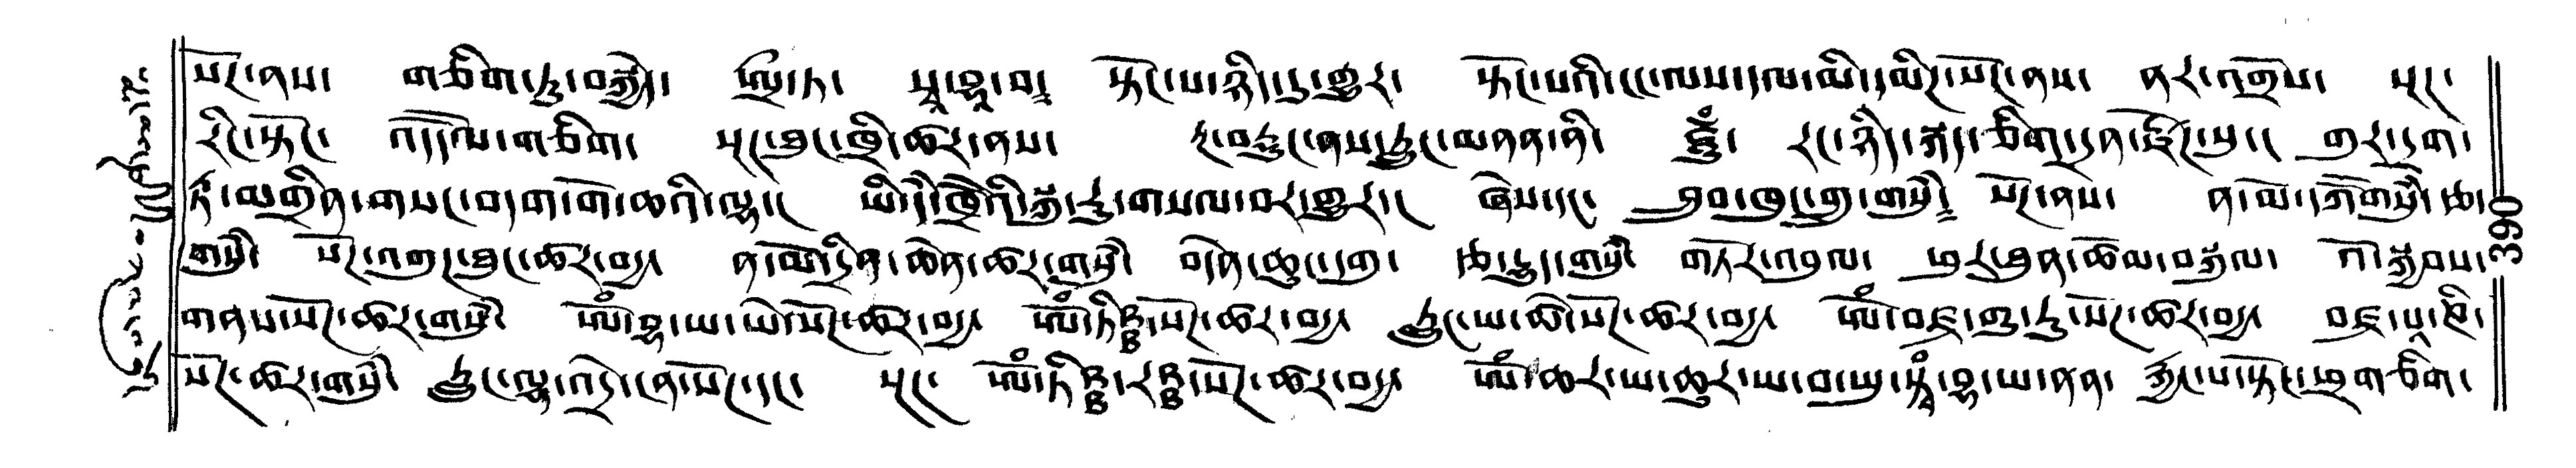སོགས་ནས། གཅིག་ཏུ་བསྐྱེད། ཨ་མྲི་ཏ༴ སྭ་བྷཱ་བ༴ སྟོང་པ་ཉིད་དུ་གྱུར། སྟོང་པའི་ངང་ལས་དལ་མི་དམིགས༴ སོགས་ནས་ནར་འགྲོས། སྔགས་
རིང་སྟོང་། འདོད་གསོལ་གཅིག སྔགས་ཐུང་ཁྲི་ཚར་ནས། རྔ་བརྡུང་ནས་རླུང་མནན་ནི། ཧཱུྃ། རང་ཉིད་སྐད་ཅིག་དྲན་རྫོགས་སུ། གུར་དྲག་
རྟ་མགྲིན་གསང་བདག་གོ་ཆའི་ལྷ། །ཡི་དམ་ཁྲོ་བོའི་སྐུ་རུ་གསལ་བར་གྱུར། ཞེས་དང་། བྲུབ་ཁུང་གྲུ་གསུམ༴ སོགས་ནས། ན་མོ༔དཀོན་མཆོག་གསུམ་དང་རྩ་
གསུམ། སོགས་འགུགས་ཐུང་ཚར་བརྒྱ། ན་མོ། དྲིན་ཆེན༴ ཚར་གསུམ། བདེན་ཆུང་དགུ། རྩ་རྒྱུད་གསུམ། གཏོར་འབུལ། ཕུར་ཐུན་ཚམས་བསྐུལ། འོ། སྐྱབས་
གནས༴ སོགས་ཚར་གསུམ། ཨོཾ་བྷ་ཡ་ཡེ༴ སོགས་ཚར་བརྒྱ། ཨོཾ་ཏིཥྛ༴ སོགས་ཚར་བརྒྱ། རླུང་ཡ་ཚེ༴ སོགས་ཚར་བརྒྱ། ཨོཾ་བཛྲ་གུ་རུ༴ སོགས་ཚར་བརྒྱ། བཛྲ་པཱ་ཎི༴ 
སོགས་ཚར་གསུམ། རླུང་ལྷ་འདྲེ་ངན༴ སོགས་དང་། སྔགས། ཨོཾ་ཏིཥྛ་རཥྛ༴ སོགས་ཚར་བརྒྱ། ཨོཾ་ཆར་ཡ་ཆུར་ཡ་བ་ཡུ་སྟྭཾ་བྷ་ཡ་ནན། རྐྱང་པ་སྟོང་ཕྲག་གཅིག